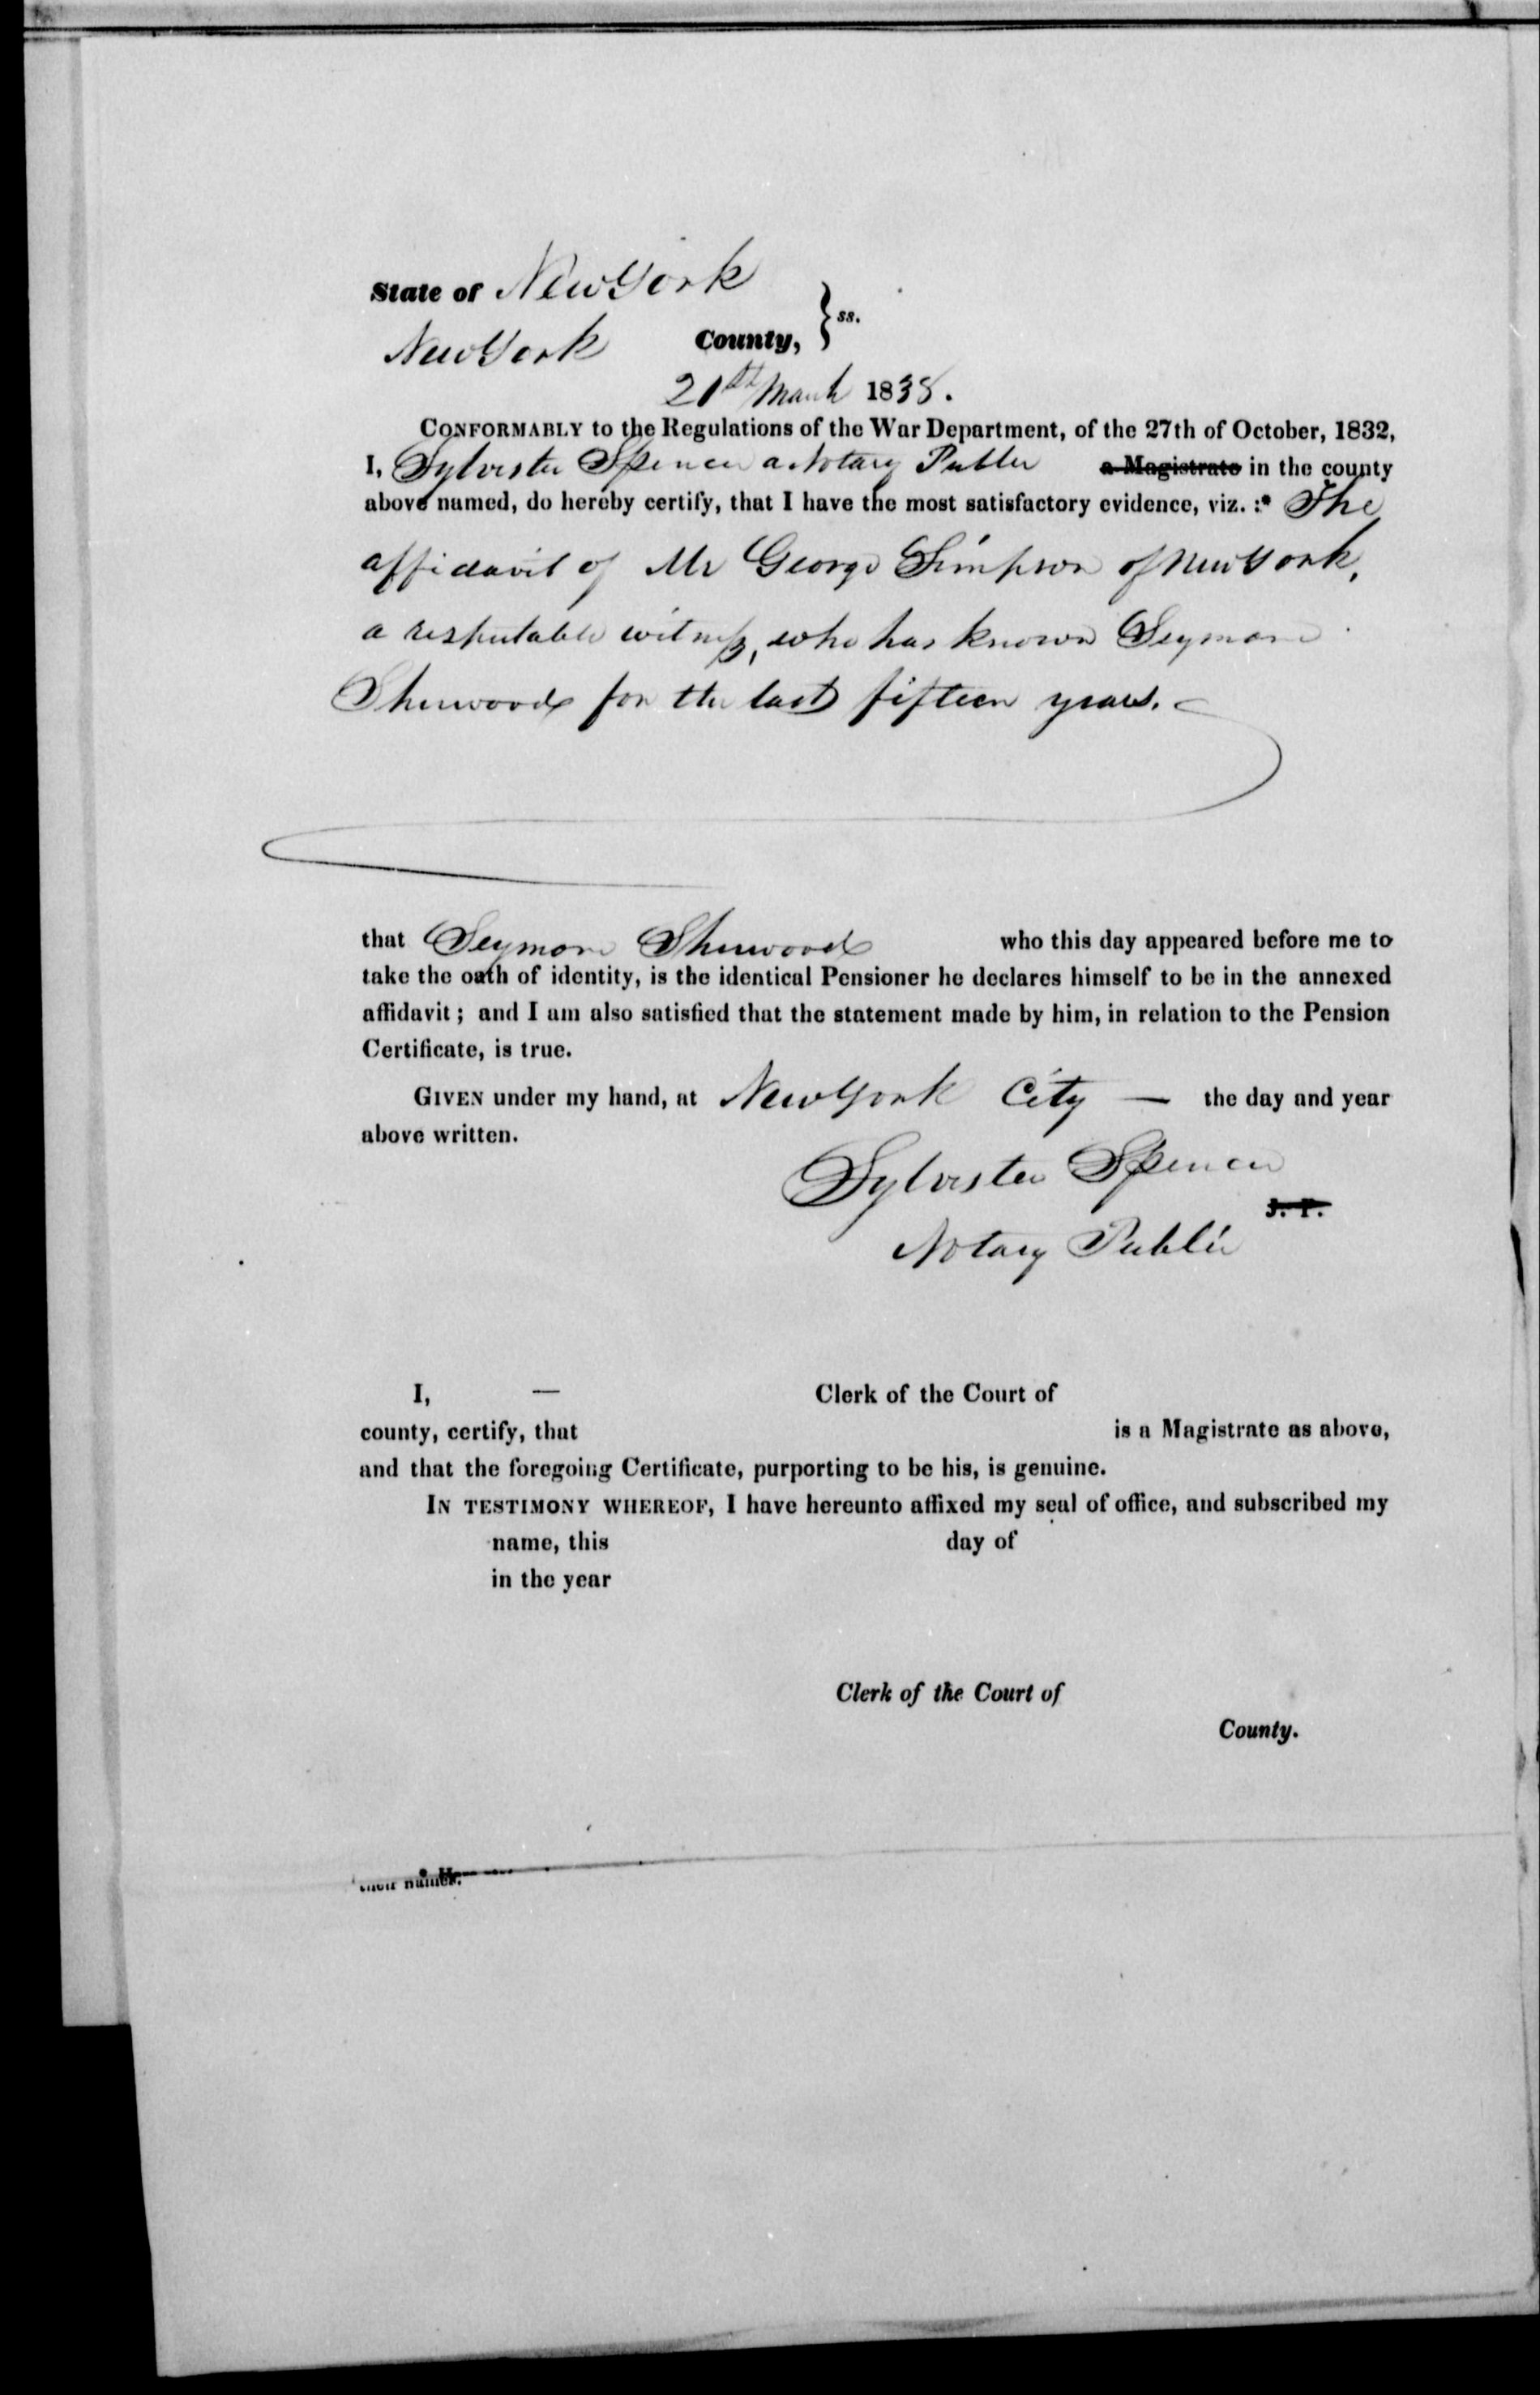State of New York 
New York County } ss 
21st March 1838. 
CONFORMABLY to the Regulations of the War Department of the 27th of October, 1832, Sylvester Spencer a Notary Public  in the county above named, do hereby certify, that I have the most satisfactory evidence, viz. The affidavit of Mr George Simpson of New York a respectable witness, who has known Seymore Sherwood for the last fifteen years. 
that Seymore Sherwood who this day appeared before me to take the oath of identity, is the identical Pensioner he declares himself to be in the annexed affidavit, and I am also satisfied that the statement made by him in relation to the Pension Certificate, is true. 
GIVEN under my hand, at New York City -- the day and year above written. 
Sylvester Spencer 
Notary Public 
I Clerk of the Court of  -  certify that - is a Magistrate as above, county, certify, that and that the foregoing Certificate, purporting to be his, is genuine. 
IN TESTIMONY WHEREOF, I have hereunto affixed my seal of office, and subscribed my name, this in the year day of Clerk of the Court of County.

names: Seymore Sherwood; Sylvester Spencer; Seymore Sherwood; Sylvester Spencer; George Simpson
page: 26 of 30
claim: survivor's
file: S. 42289, for Seymore Sherwood, Connecticut